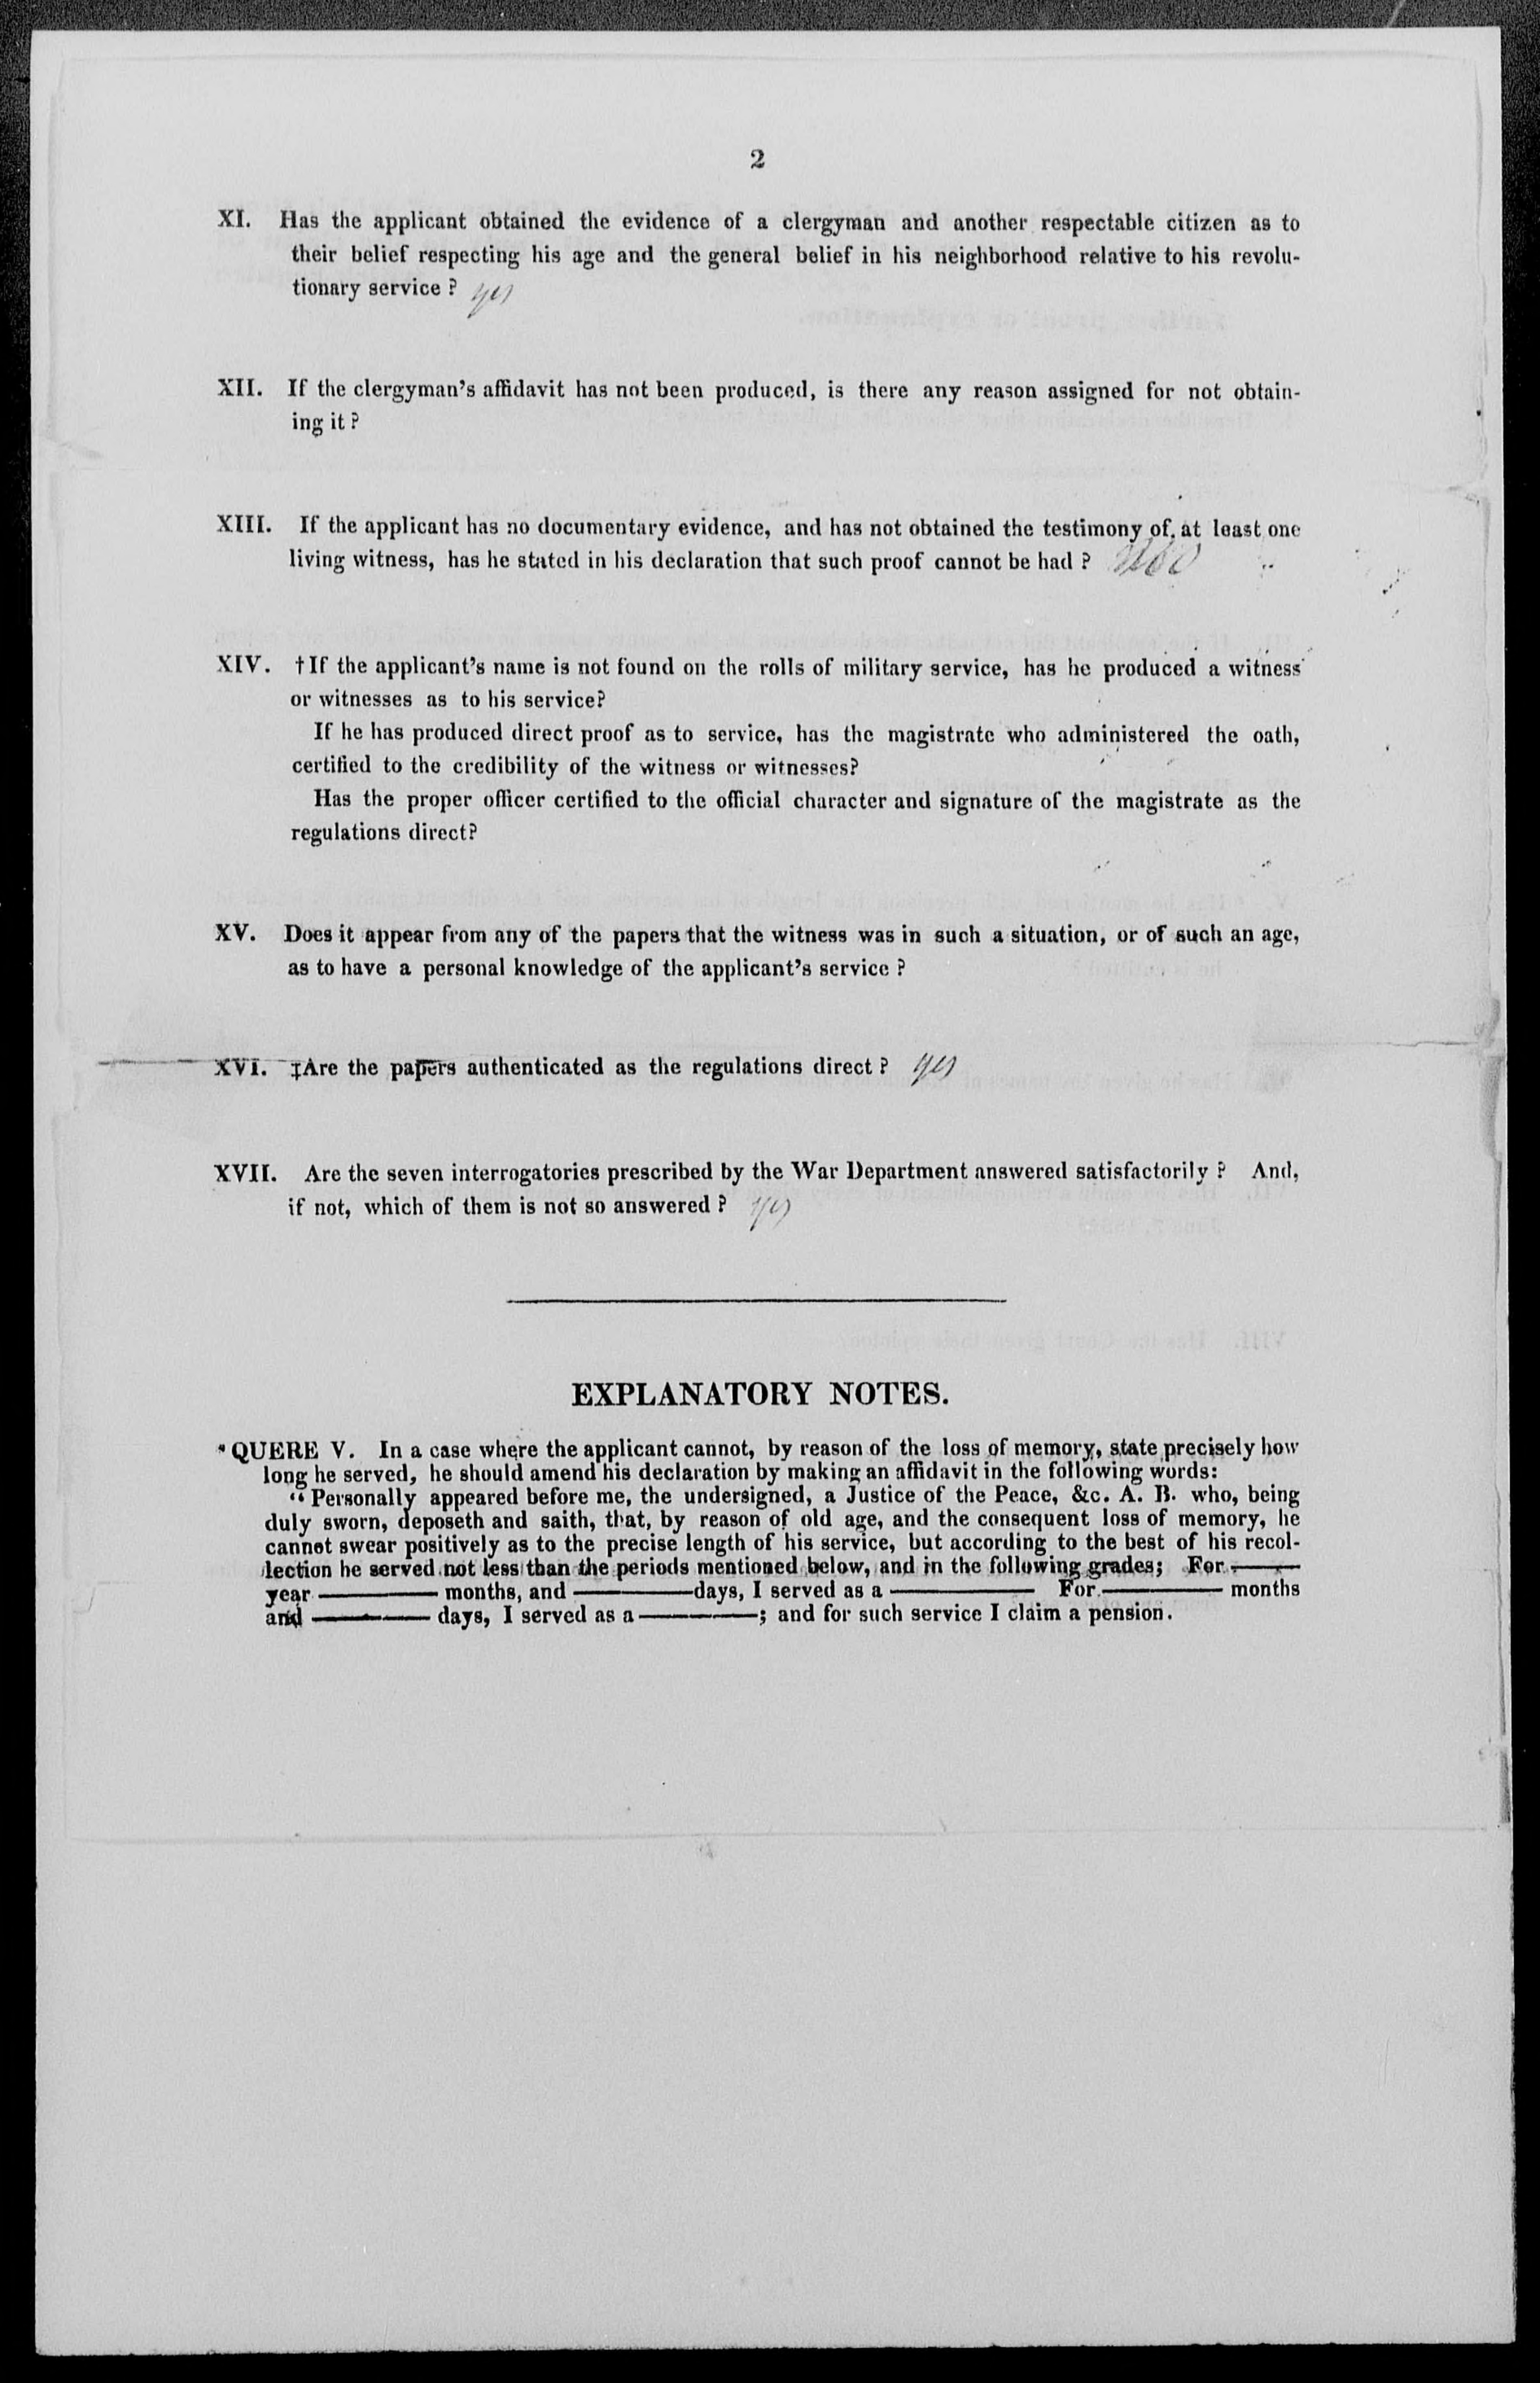2
XI. Has the applicant obtained the evidence of a clergyman and another respectable citizen as to their belief respecting his age and the general belief in his neighborhood relative to his revolutionary service? Answer: yes
XII. If the clergyman's affidavit has not been produced, is there any reason assigned for not obtaining it? No response
XIII. If the applicant has no documentary evidence, and has not obtained the testimony of at least one living witness, has he stated in his declaration that such proof cannot be had?  Answer: no
XIV. *If the applicant's name is not found on the rolls of military service, has he produced a witness or witnesses as to his service? No response
If he has produced direct proof as to service, has the magistrate who administered the oath, certified to the credibility of the witness or witnesses? No response
Has the proper officer certified to the official character and signature of the magistrate as the regulations direct? No response
XV. Does it appear from any of the papers that the witness was in such a situation, or of such an age, as to have a personal knowledge of the applicant's service? No response
XVI. ***Are the papers authenticated as the regulations direct? Answer: yes
XVII. Are the seven interrogatories prescribed by the War Department answered satisfactorily? And, if not, which of them is not so answered? Answer: yes
EXPLANATORY NOTES. [Left blank so no reason to transcribe.]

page: 16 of 22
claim: survivor's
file: S. 31,517, John Allbritton, S.C.